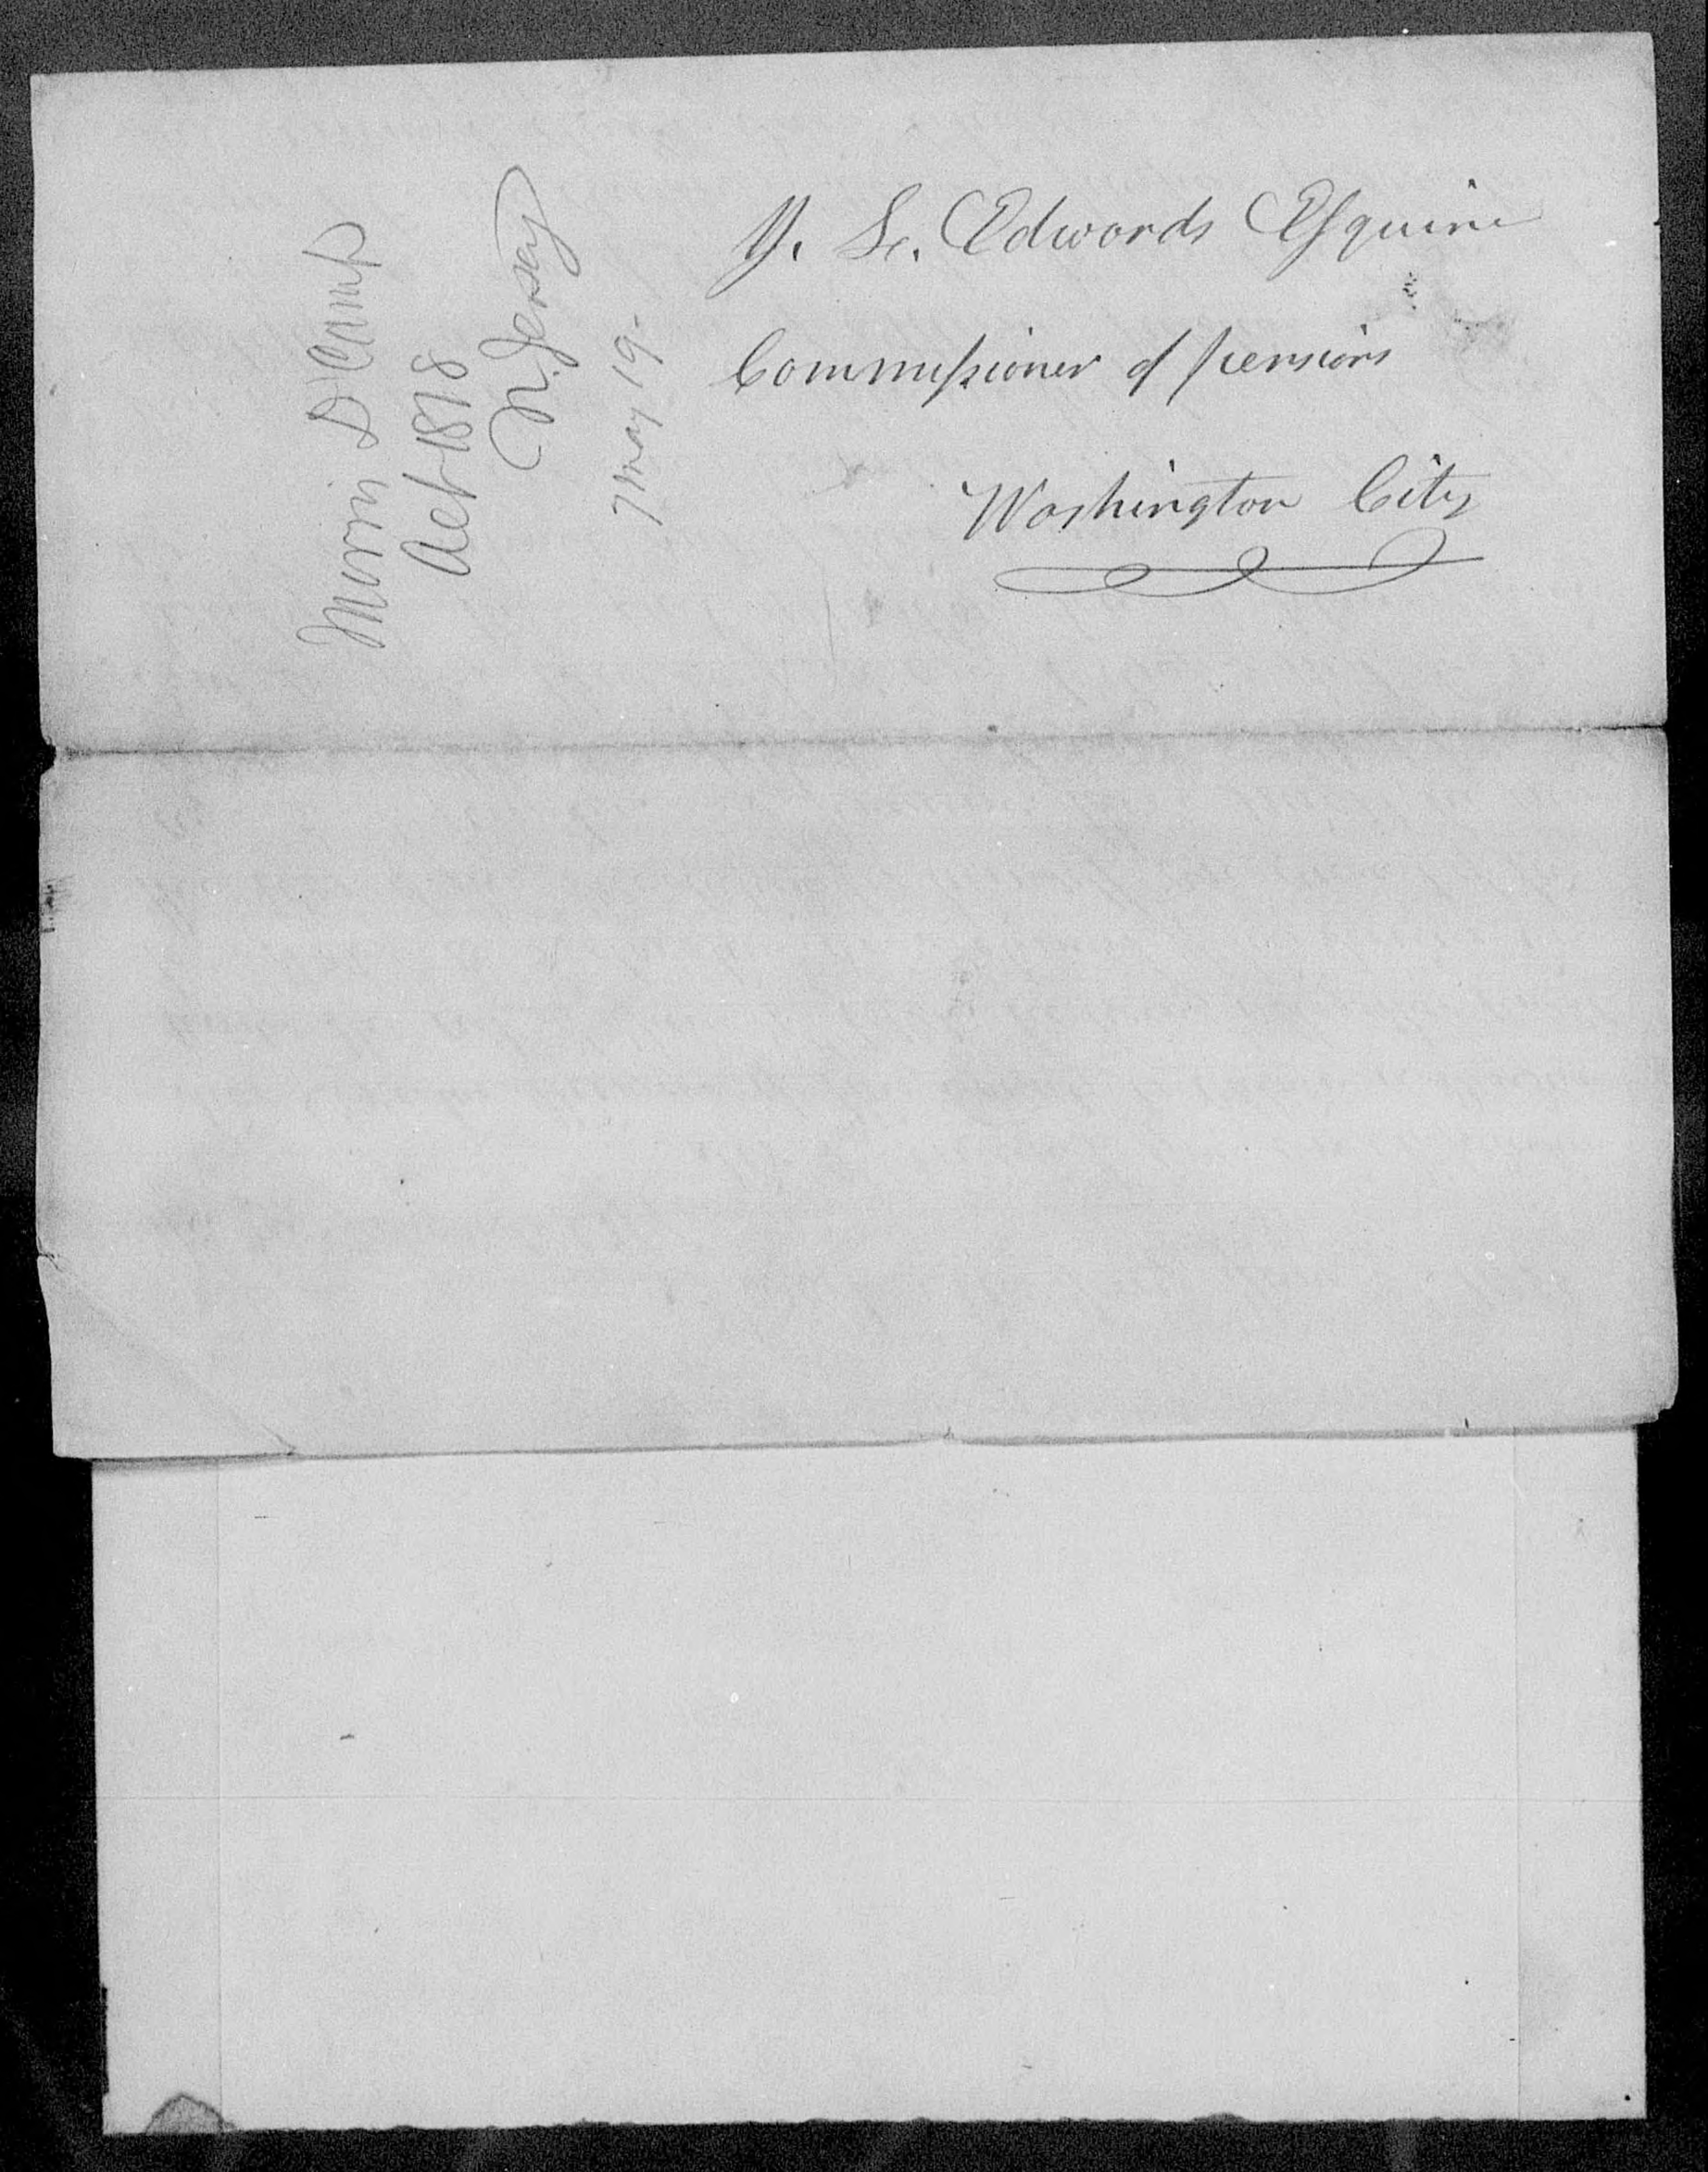Morris D Camp
Act 1818
N. Jersey
7 May 19-

J.L. Edwards Esquire
Commissioner of pensions
Washington City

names: J L Edwards, Morris D Camp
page: 25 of 52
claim: survivor's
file: S. 34172, Morris D Camp, Continental (New Jersey)